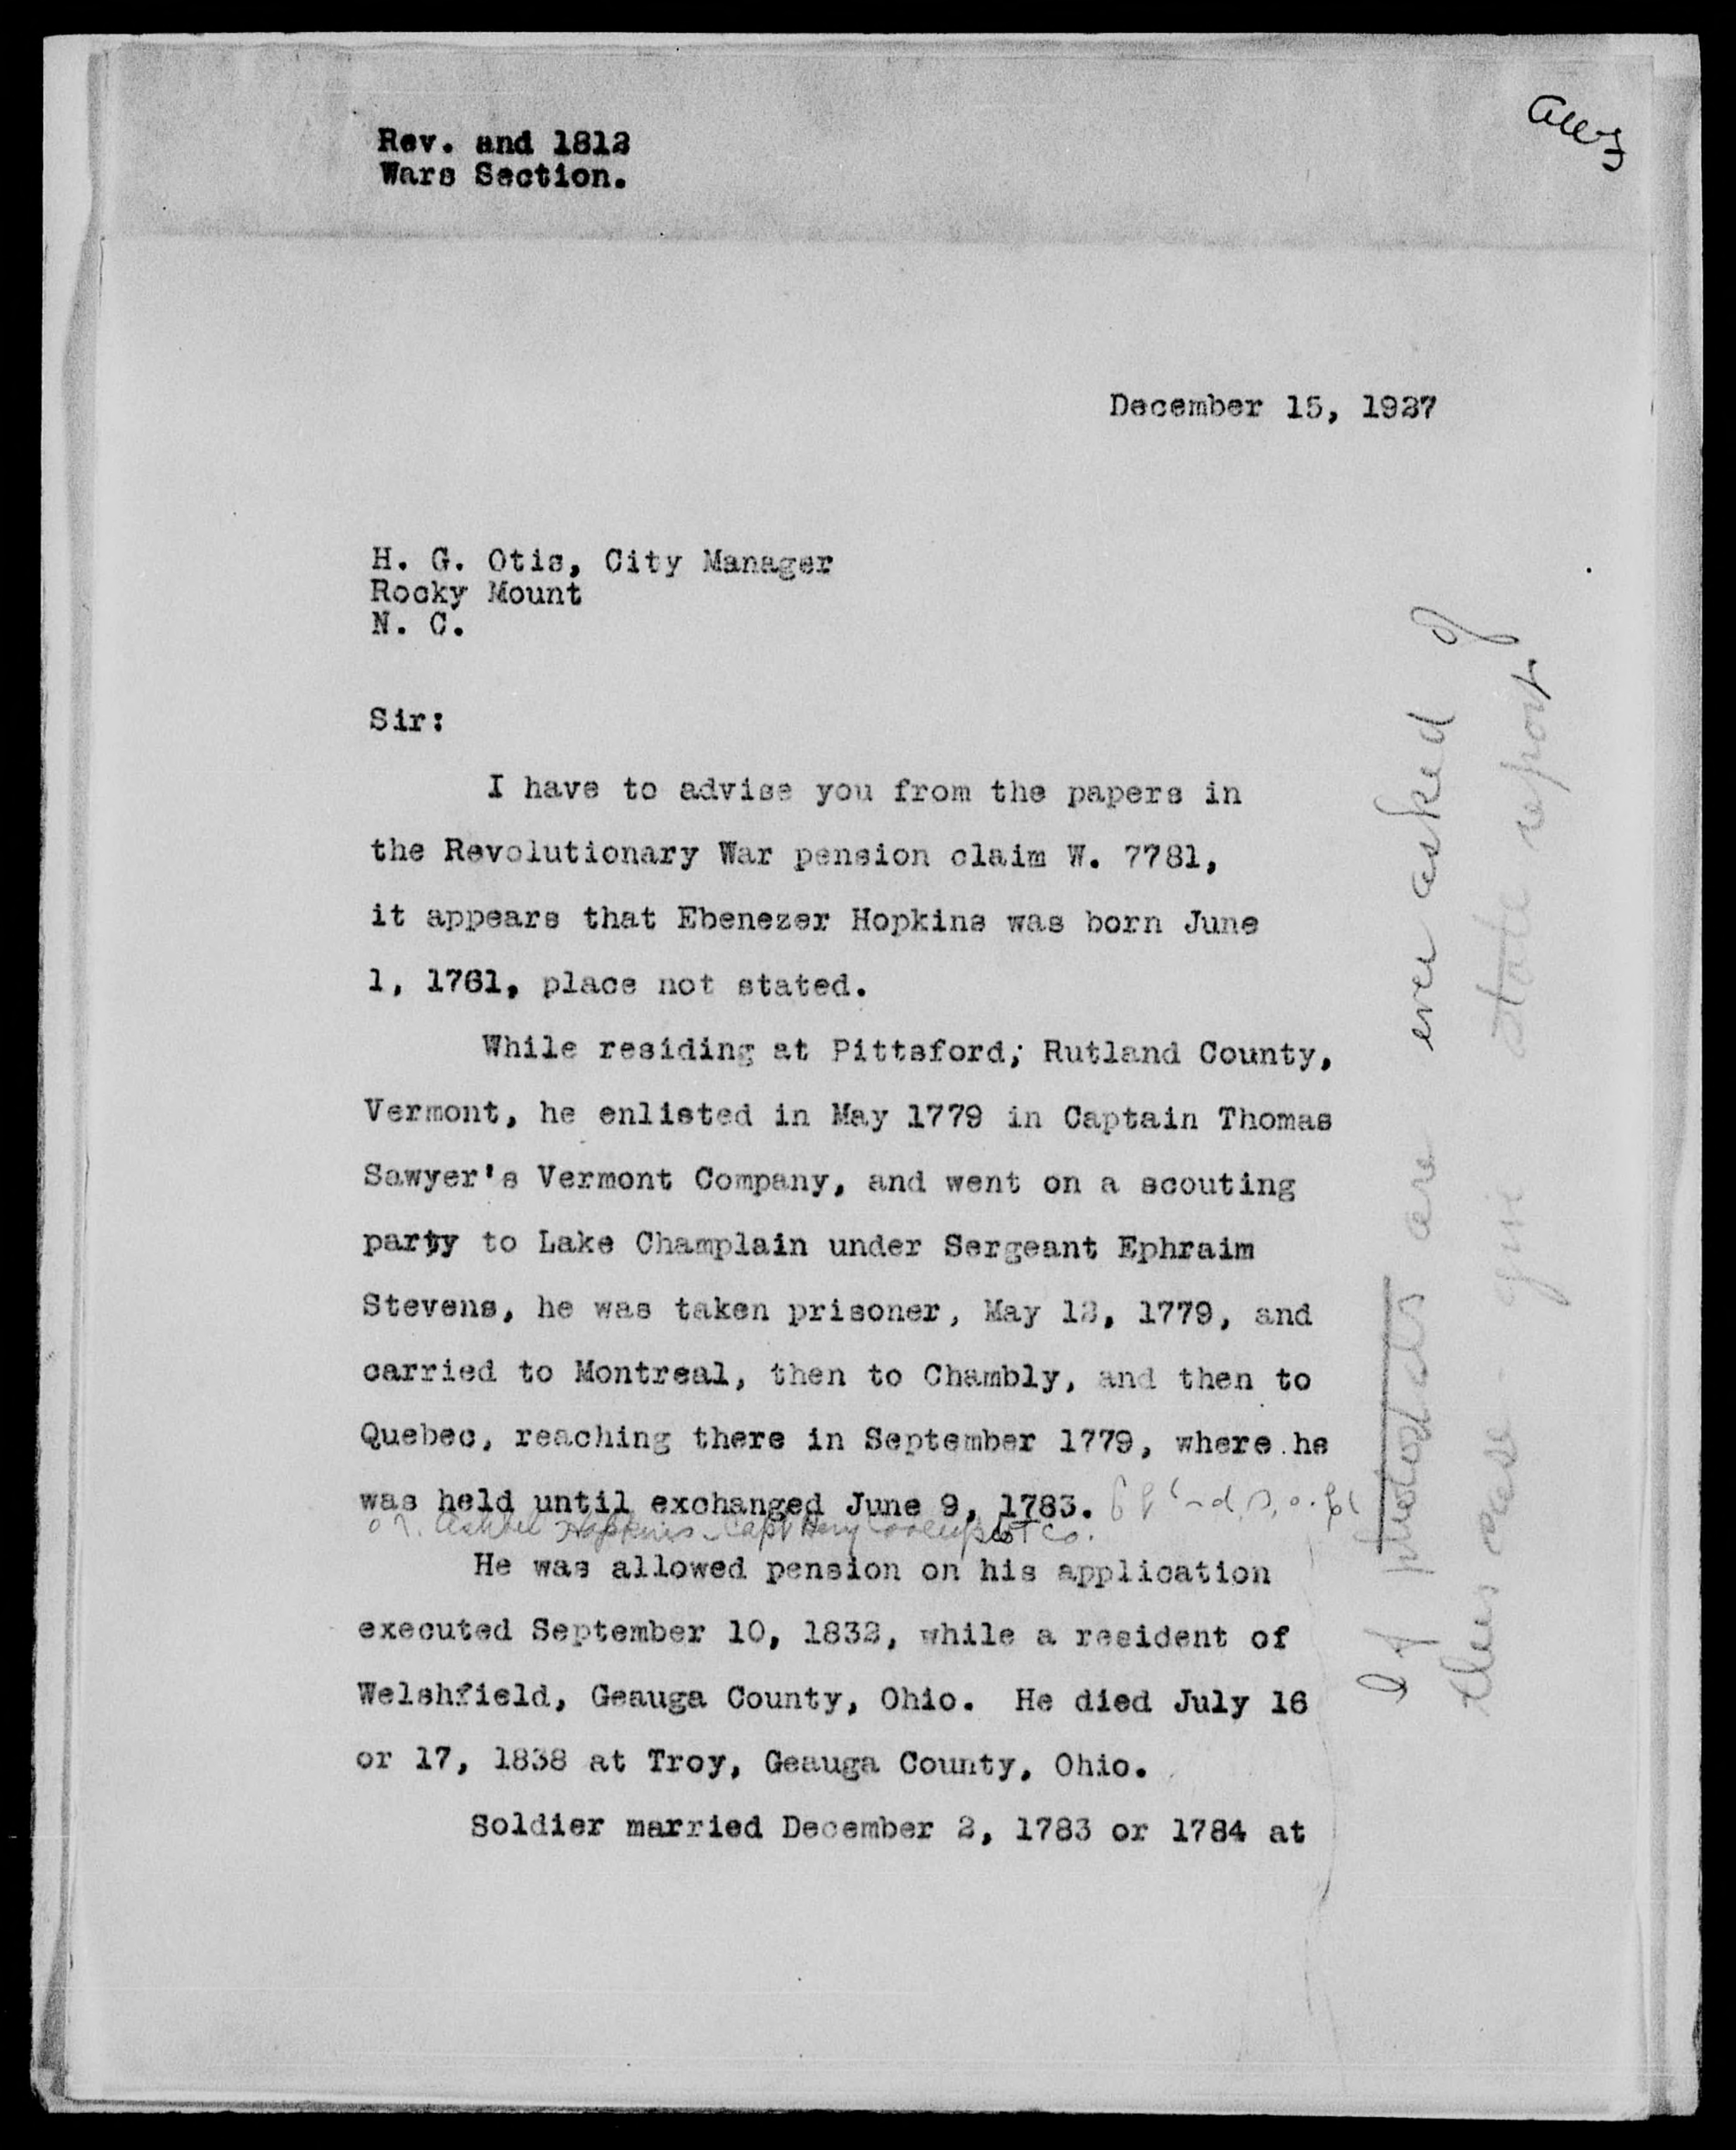Rev. and 1812
Wars Section. 

December 15, 1927

H. G. Otis, City Manager
Rocky Mount
N. C.

Sir: 
I have to advise you from the papers in the Revolutionary War pension claim W. 7781, it appears that Ebenezer Hopkins was born June 1, 1781, place not stated. 

While residing at Pittsford, Rutland County, Vermont, he enlisted in May 1779 in Captain Thomas Sawyer's Vermont Company, and went on a scouting party to Lake Champlain under Sergeant Ephraim Stevens, he was taken prisoner, May 12, 1779, and carried to Montreal, then to Chambly, and then to Quebec, reaching there in September 1779, where he was held until exchanged June 9, 1783. [handwritten is illegible]
[handwritten] 07. Ashbel Hopkins Capt Henry Cooluput Co.

He was allowed pension on his application executed September 10, 1832, while a resident of Welshfield, Geauge County, Ohio. He died July 16 or 17, 1838 at Troy, Geauga County, Ohio. 

Soldier married December 2, 1783 or 1784 at 

[handwritten in right margin] If photo deeds are ever asked of this case. give state report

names: H G Otis, Ephraim Stevens, Ebenezer Hopkins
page: 142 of 144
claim: rejected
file: R. 5208, Dennis Hopkins, N.C.